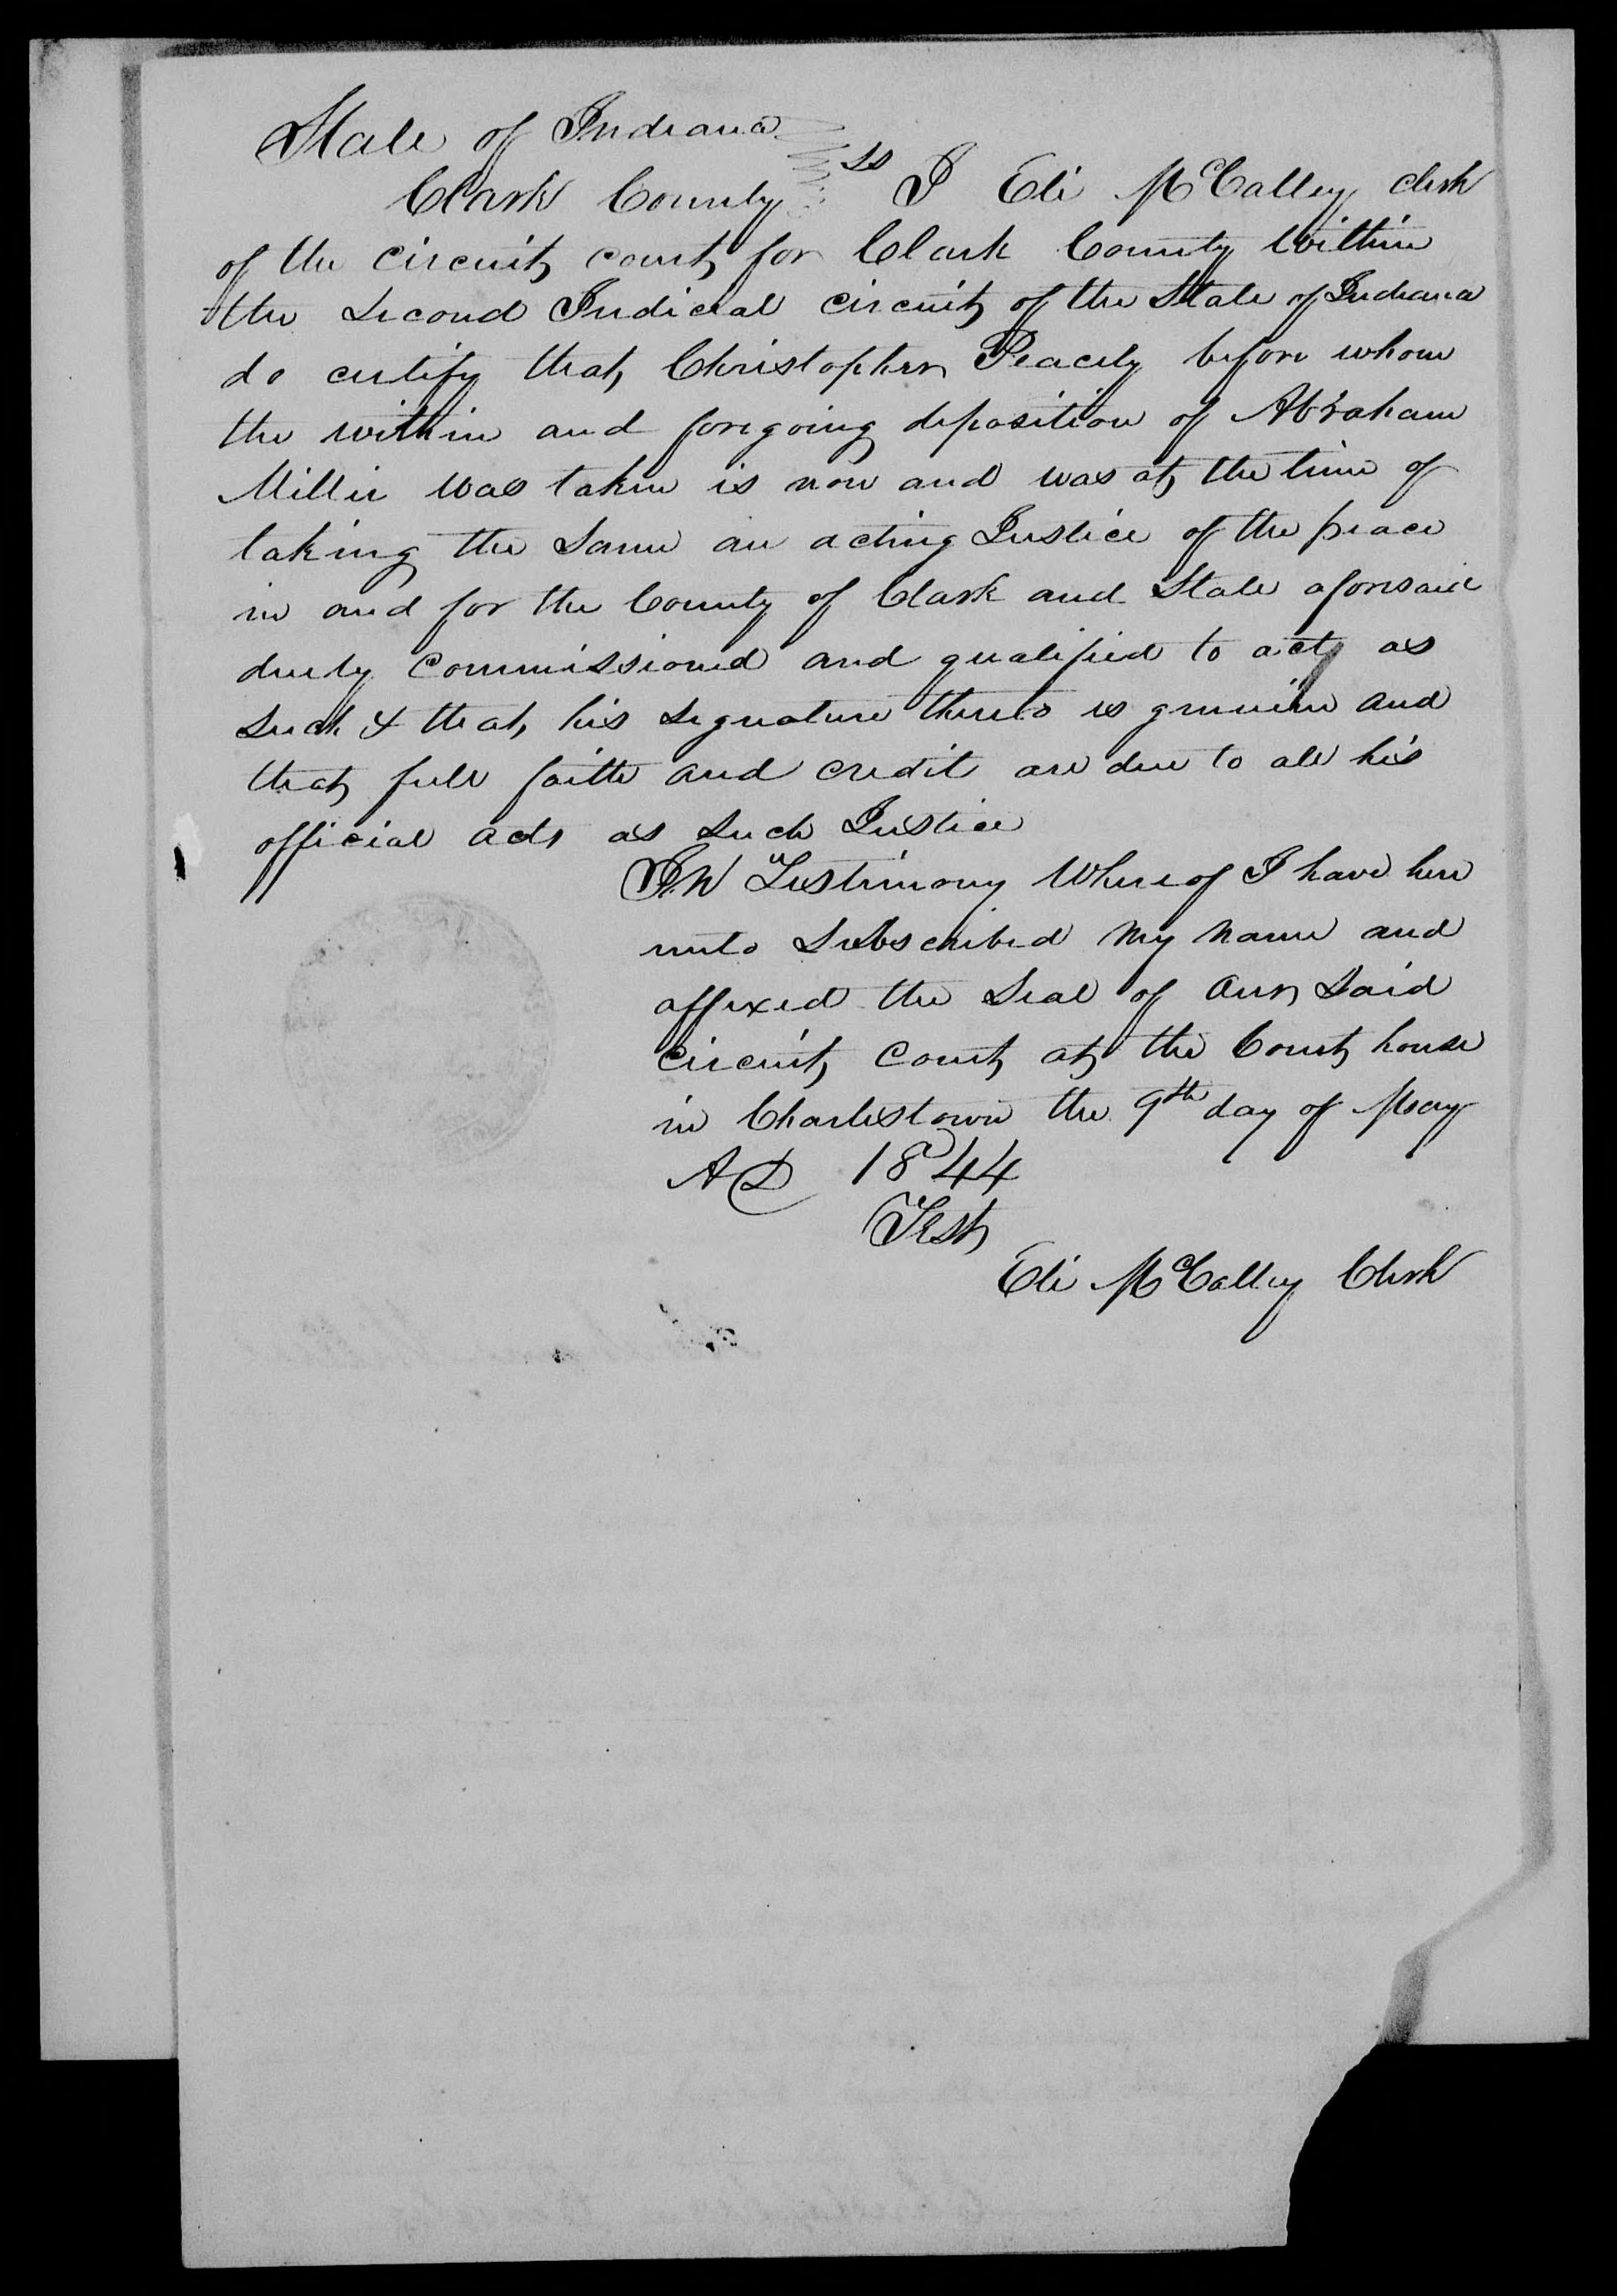State of Indiana Clark County } ss
 I Eli McCalley clerk of the Circuit Court for Clark County within the Second Judicial Circuit of the State of Indiana do certify that Christopher Peacely before whom the within and foregoing deposition of Abraham Miller was taken is now and was at the time of taking the Same an acting Justice of the peace in and for the County of Clark and State aforesaid duly Commissioned and qualified to act as such & that, his signature thereto is genuine and that full faith and credit are due to all his official acts as such Justice
In Testimony Whereof I have hereunto Subscribed my name and affixed the Seal of our Said Circuit Court at the Court house in Charlestown the 9th day of May AD 1844
Atest
[signed] Eli McCalley Clerk

[illegible Court Seal affixed at left]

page: 14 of 78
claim: widow's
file: W. 25,169, for Daniel Sullivan, Maryland